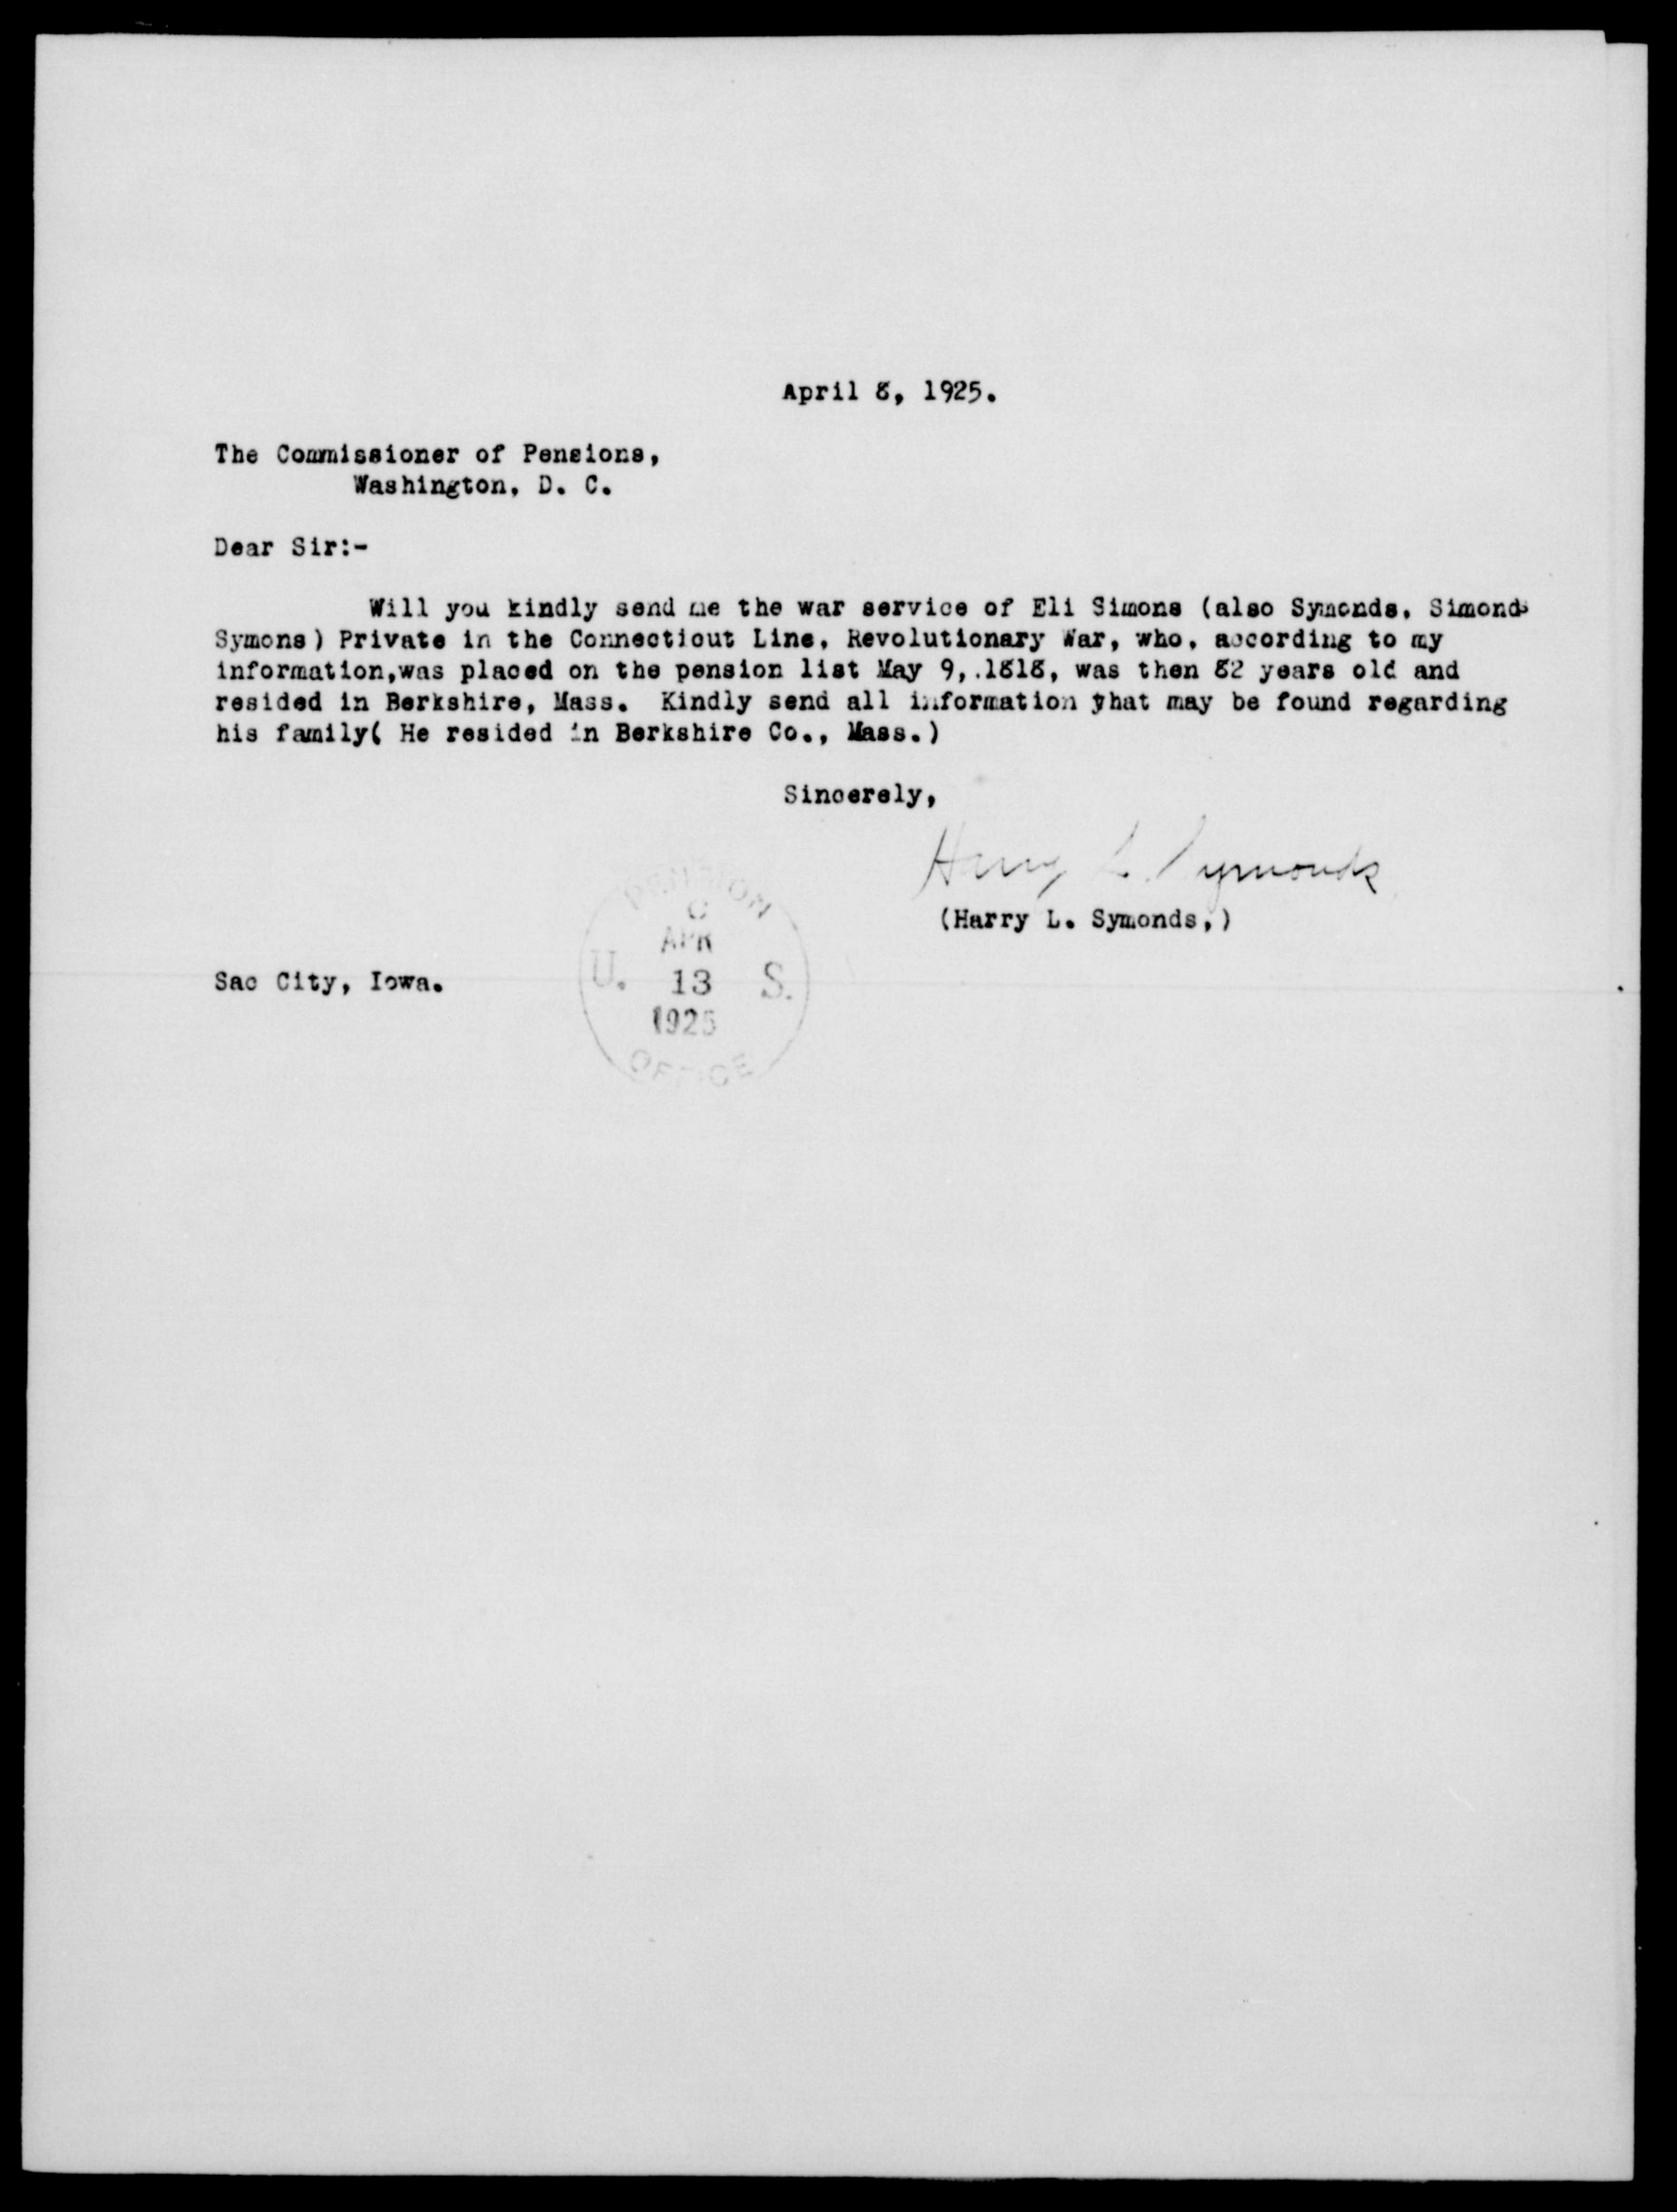April 8, 1925.
The Commissioner of Pensions,
Washington, D.C.
Dear Sir: -
Will you kindly send me the war service of Eli Simons (also Symonds, Simonds Symons) Private in the Connecticut Line, Revolutionary War, who, according to my information, was placed on the pension list May 9, 1818, was then 82 years old and resided in Berkshire, Mass. Kindly send all information that may be found regarding his family (He resided in Berkshire Co., Mass.)
Sincerely,
Harry L. Symonds [signature]
(Harry L. Symonds,)

Sac City, Iowa.

[circle stamp] U.S. Pension Office C Apr 13 1925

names: Eli Symonds; Harry L Symonds; Eli Simonds; Henry L Symonds; Eli Symons; Eli Simons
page: 19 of 20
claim: survivor's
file: S 33668, for Eli Simons, Connecticut